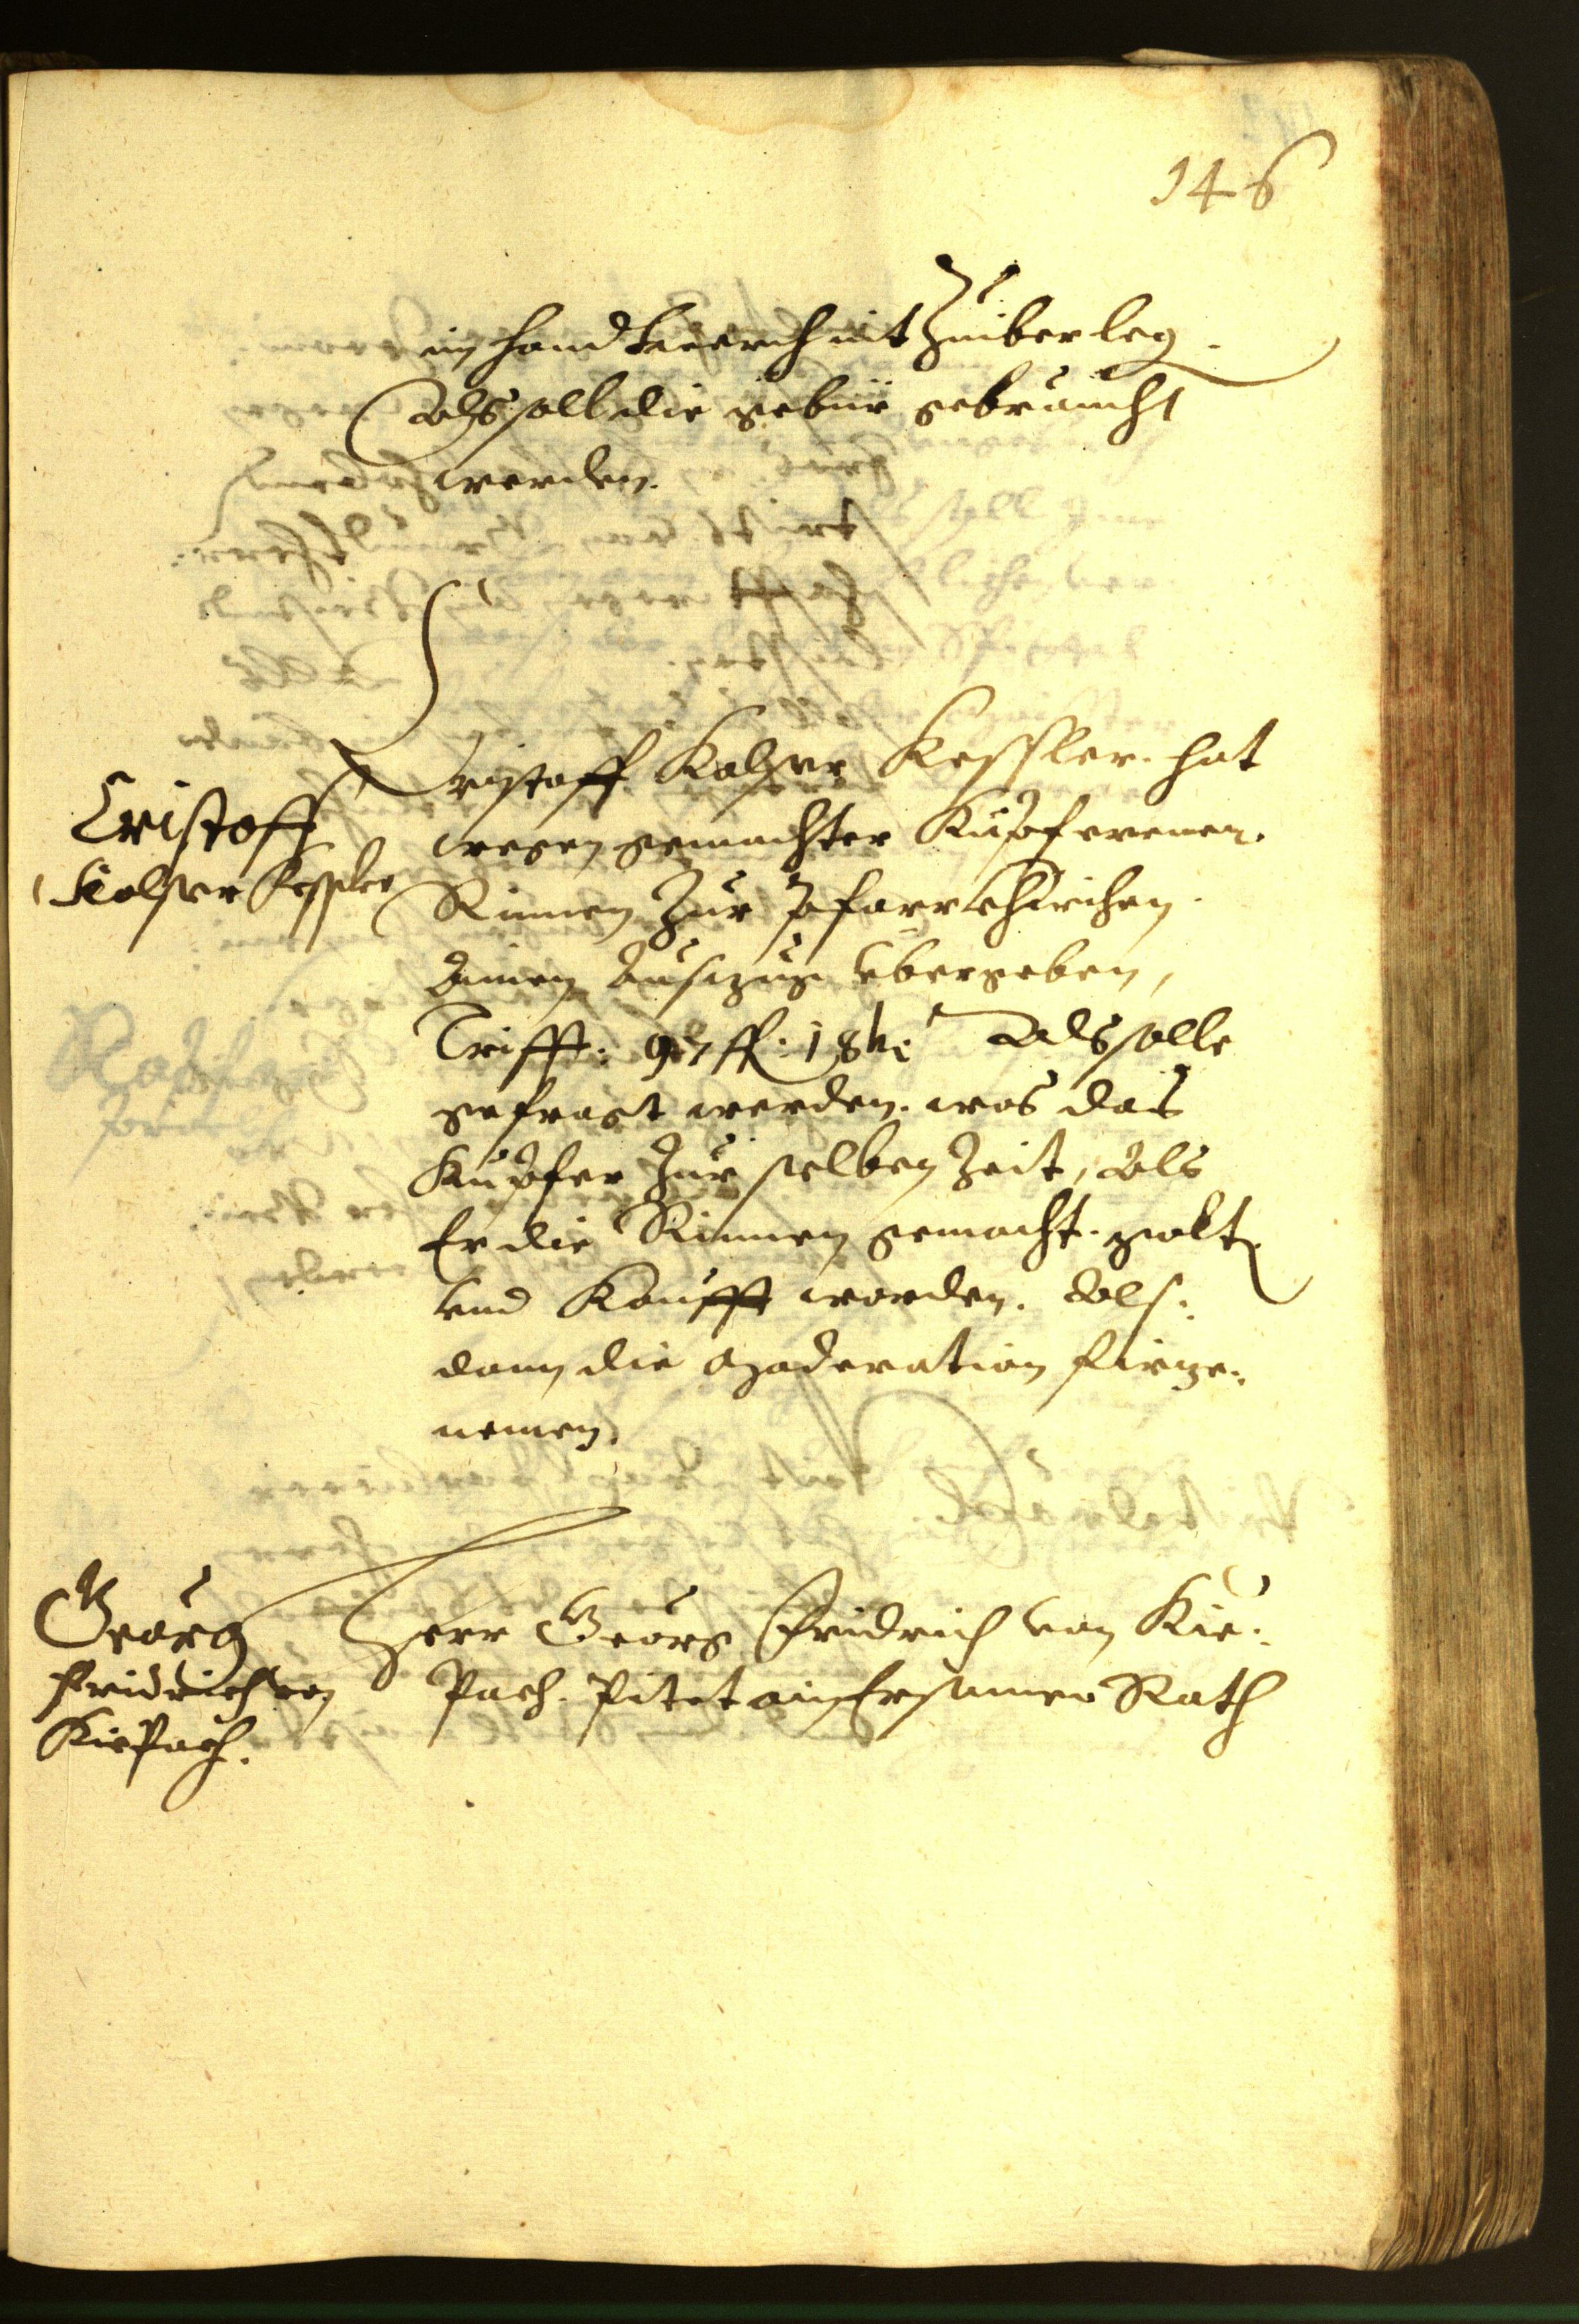146
im handtwerch nit Zūiber leg.
Als soll die gebür gebraūcht
werden.
Cristoff Kalser Kessler. hat
wegen gemachter Kūpferener.
Rinnen Zūr pfarrkhirchen
Ainen Aūszūg v̄bergeben,
Trifft: 97 fl: 18 k. Als solle
gefragt werden. was das
Kūpfer Zūr selben Zeit, Als
Er die Rinnen gemacht. golt.
vnd Kaūfft worden. Als¬
dann die Moderation firze¬
nemen.
Cristoff
Kalser Kessler
Herr Geōrg Fridrich von Kie¬
Pach. Pitet ain Ersamer Rath
Geōrg
fridrich von
Kiepach.